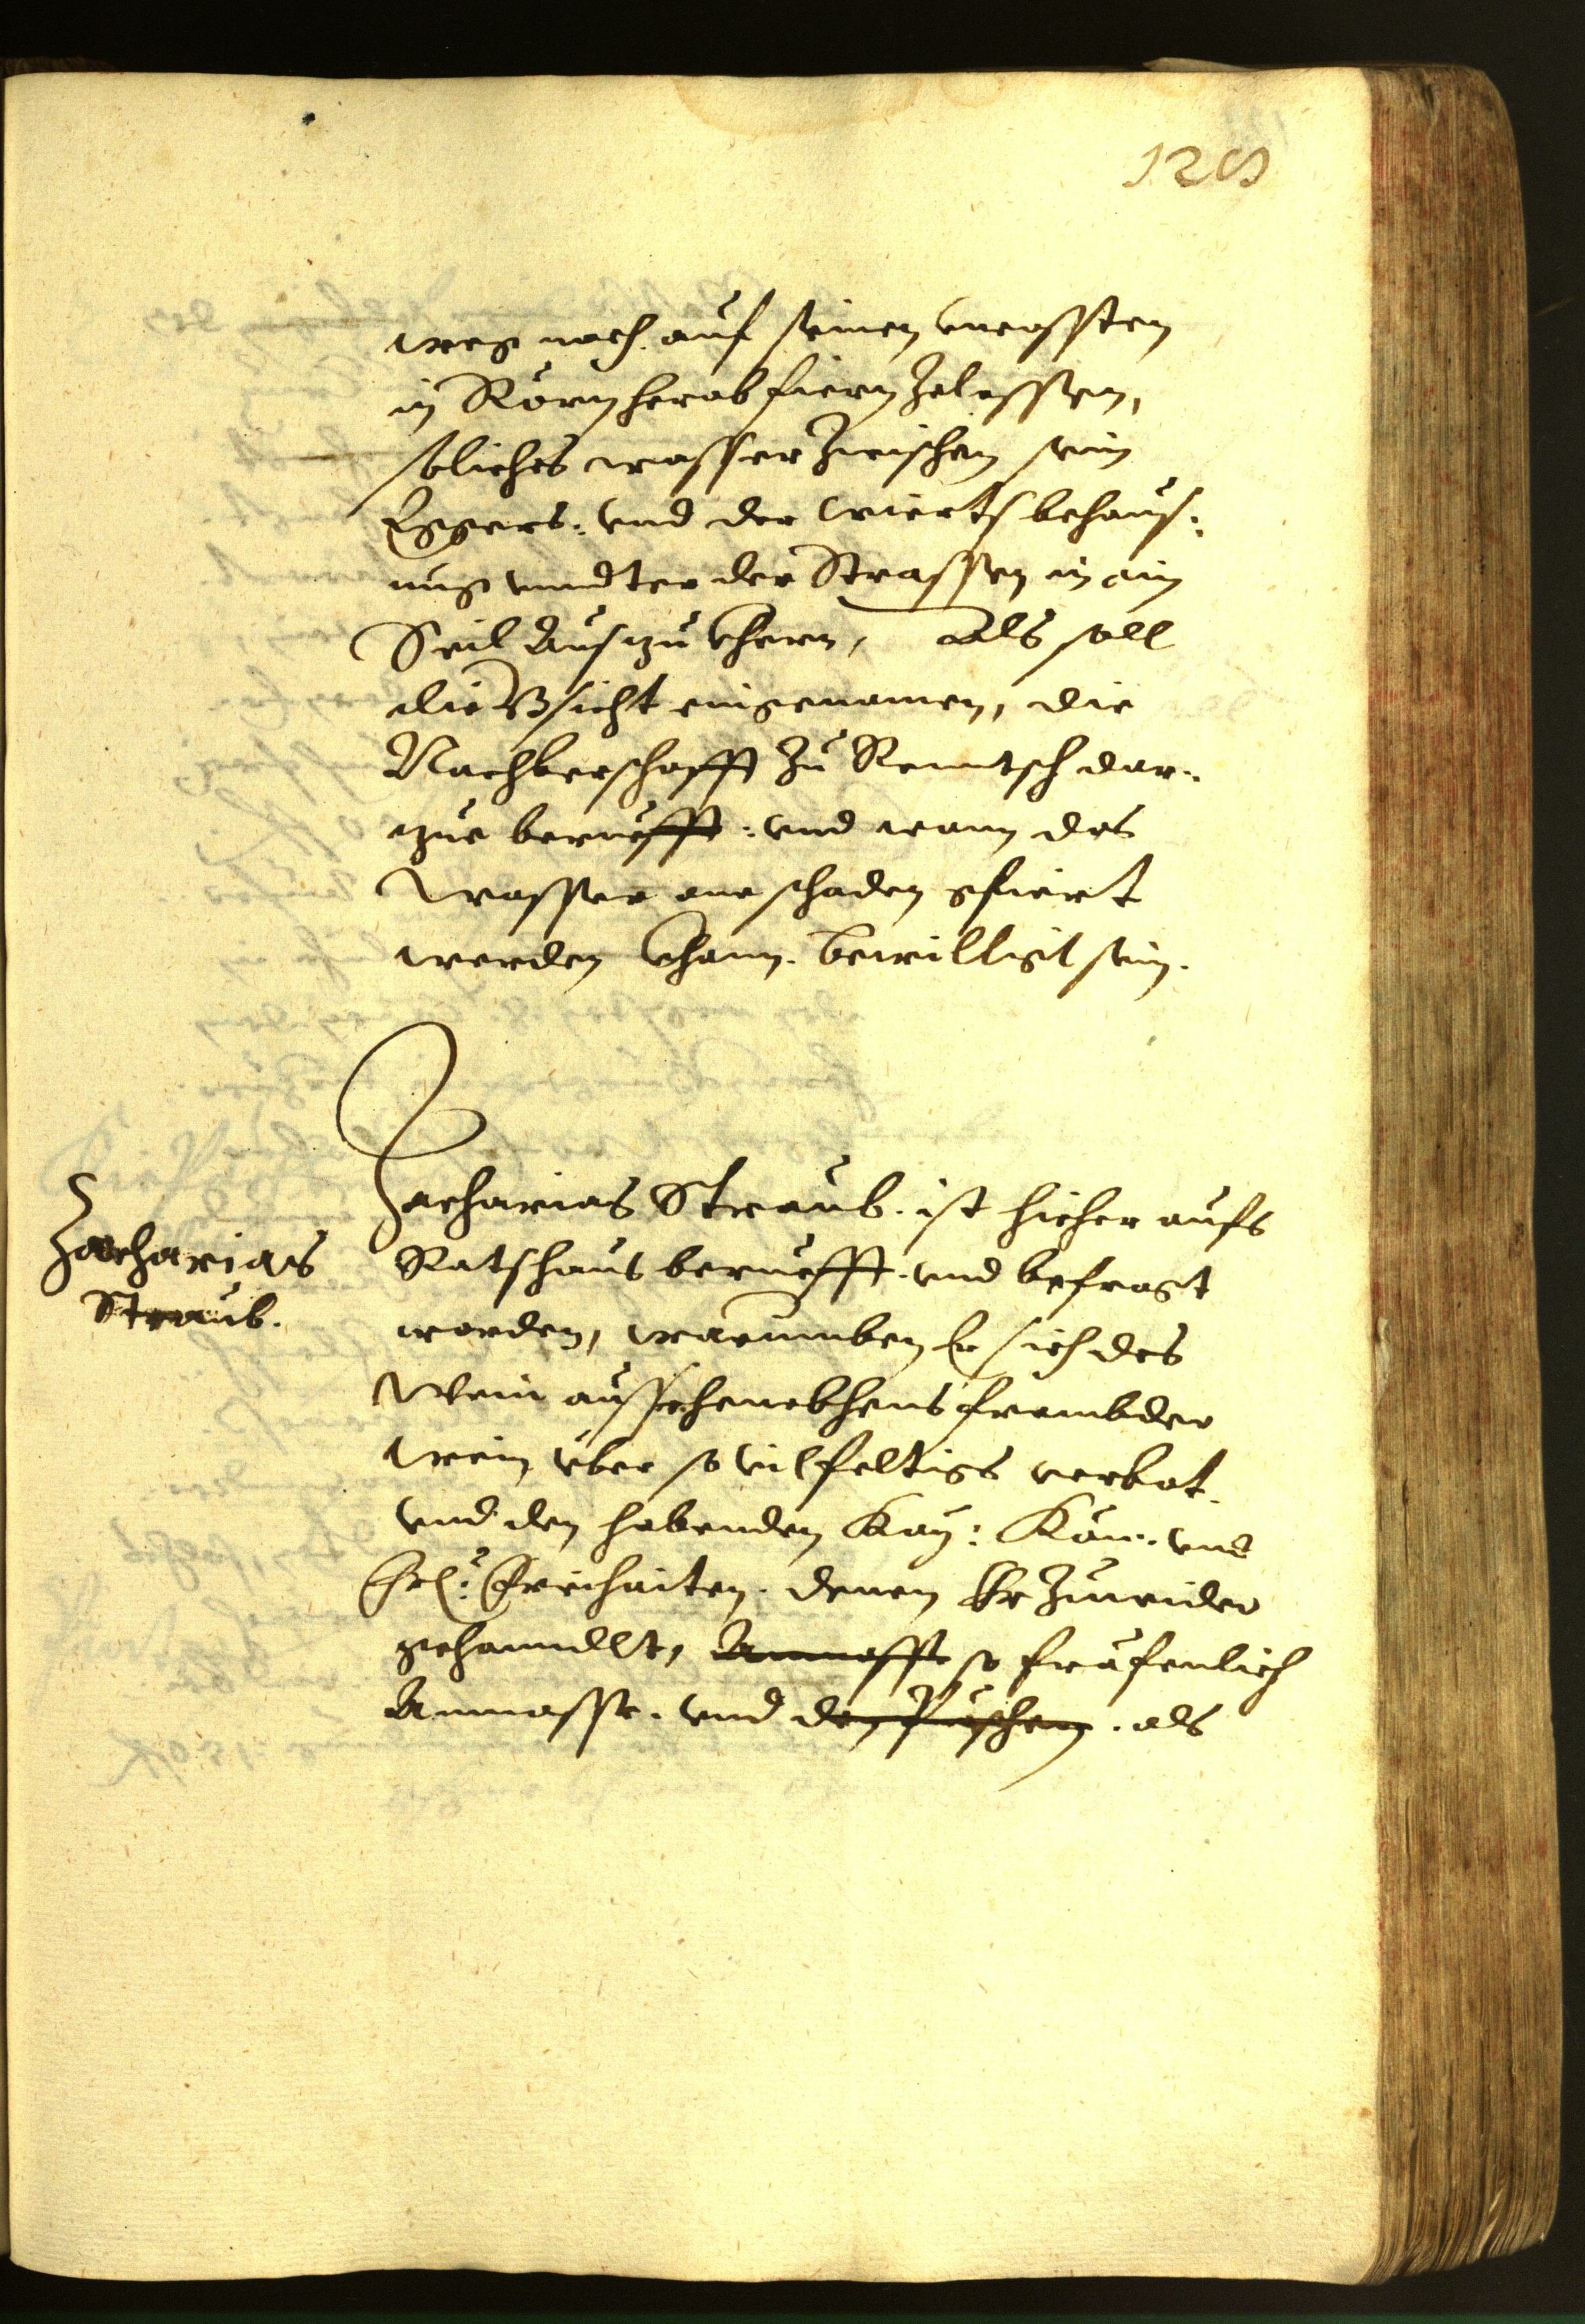128
weg noch aūf seinen vncossten
in Rōrn herab fiern Zelassen,
soliches wasser Zwischen sein
Eggers: vnd der wiertsbehaūs¬
ūng vnndter der Strassen in ain
Seil Aūszūkhern, Als soll
die Bsicht eingenomen, die
Nachberschafft Zū Renntsch dar¬
zūe berūefft: vnd wann das
Wasser one schaden gfiert
werden khann. bewilligt sein.
Zacharias Straūb. ist hieher aūfs
Ratshaūs berūefft. vnd befragt
worden, warūmben Er sich des
Wein aūsschenckhens frembder
Wein v̈ber so vilfeltigs verbot.
vnd den habenden Kaȳ: Kōn: vnd
Frl: Freihaiten. denen Er Zūwider
gehanndelt, Anmasse so frāfenlich
Anmasse. vnd den Puschen. als
Zacharias
Straūb.